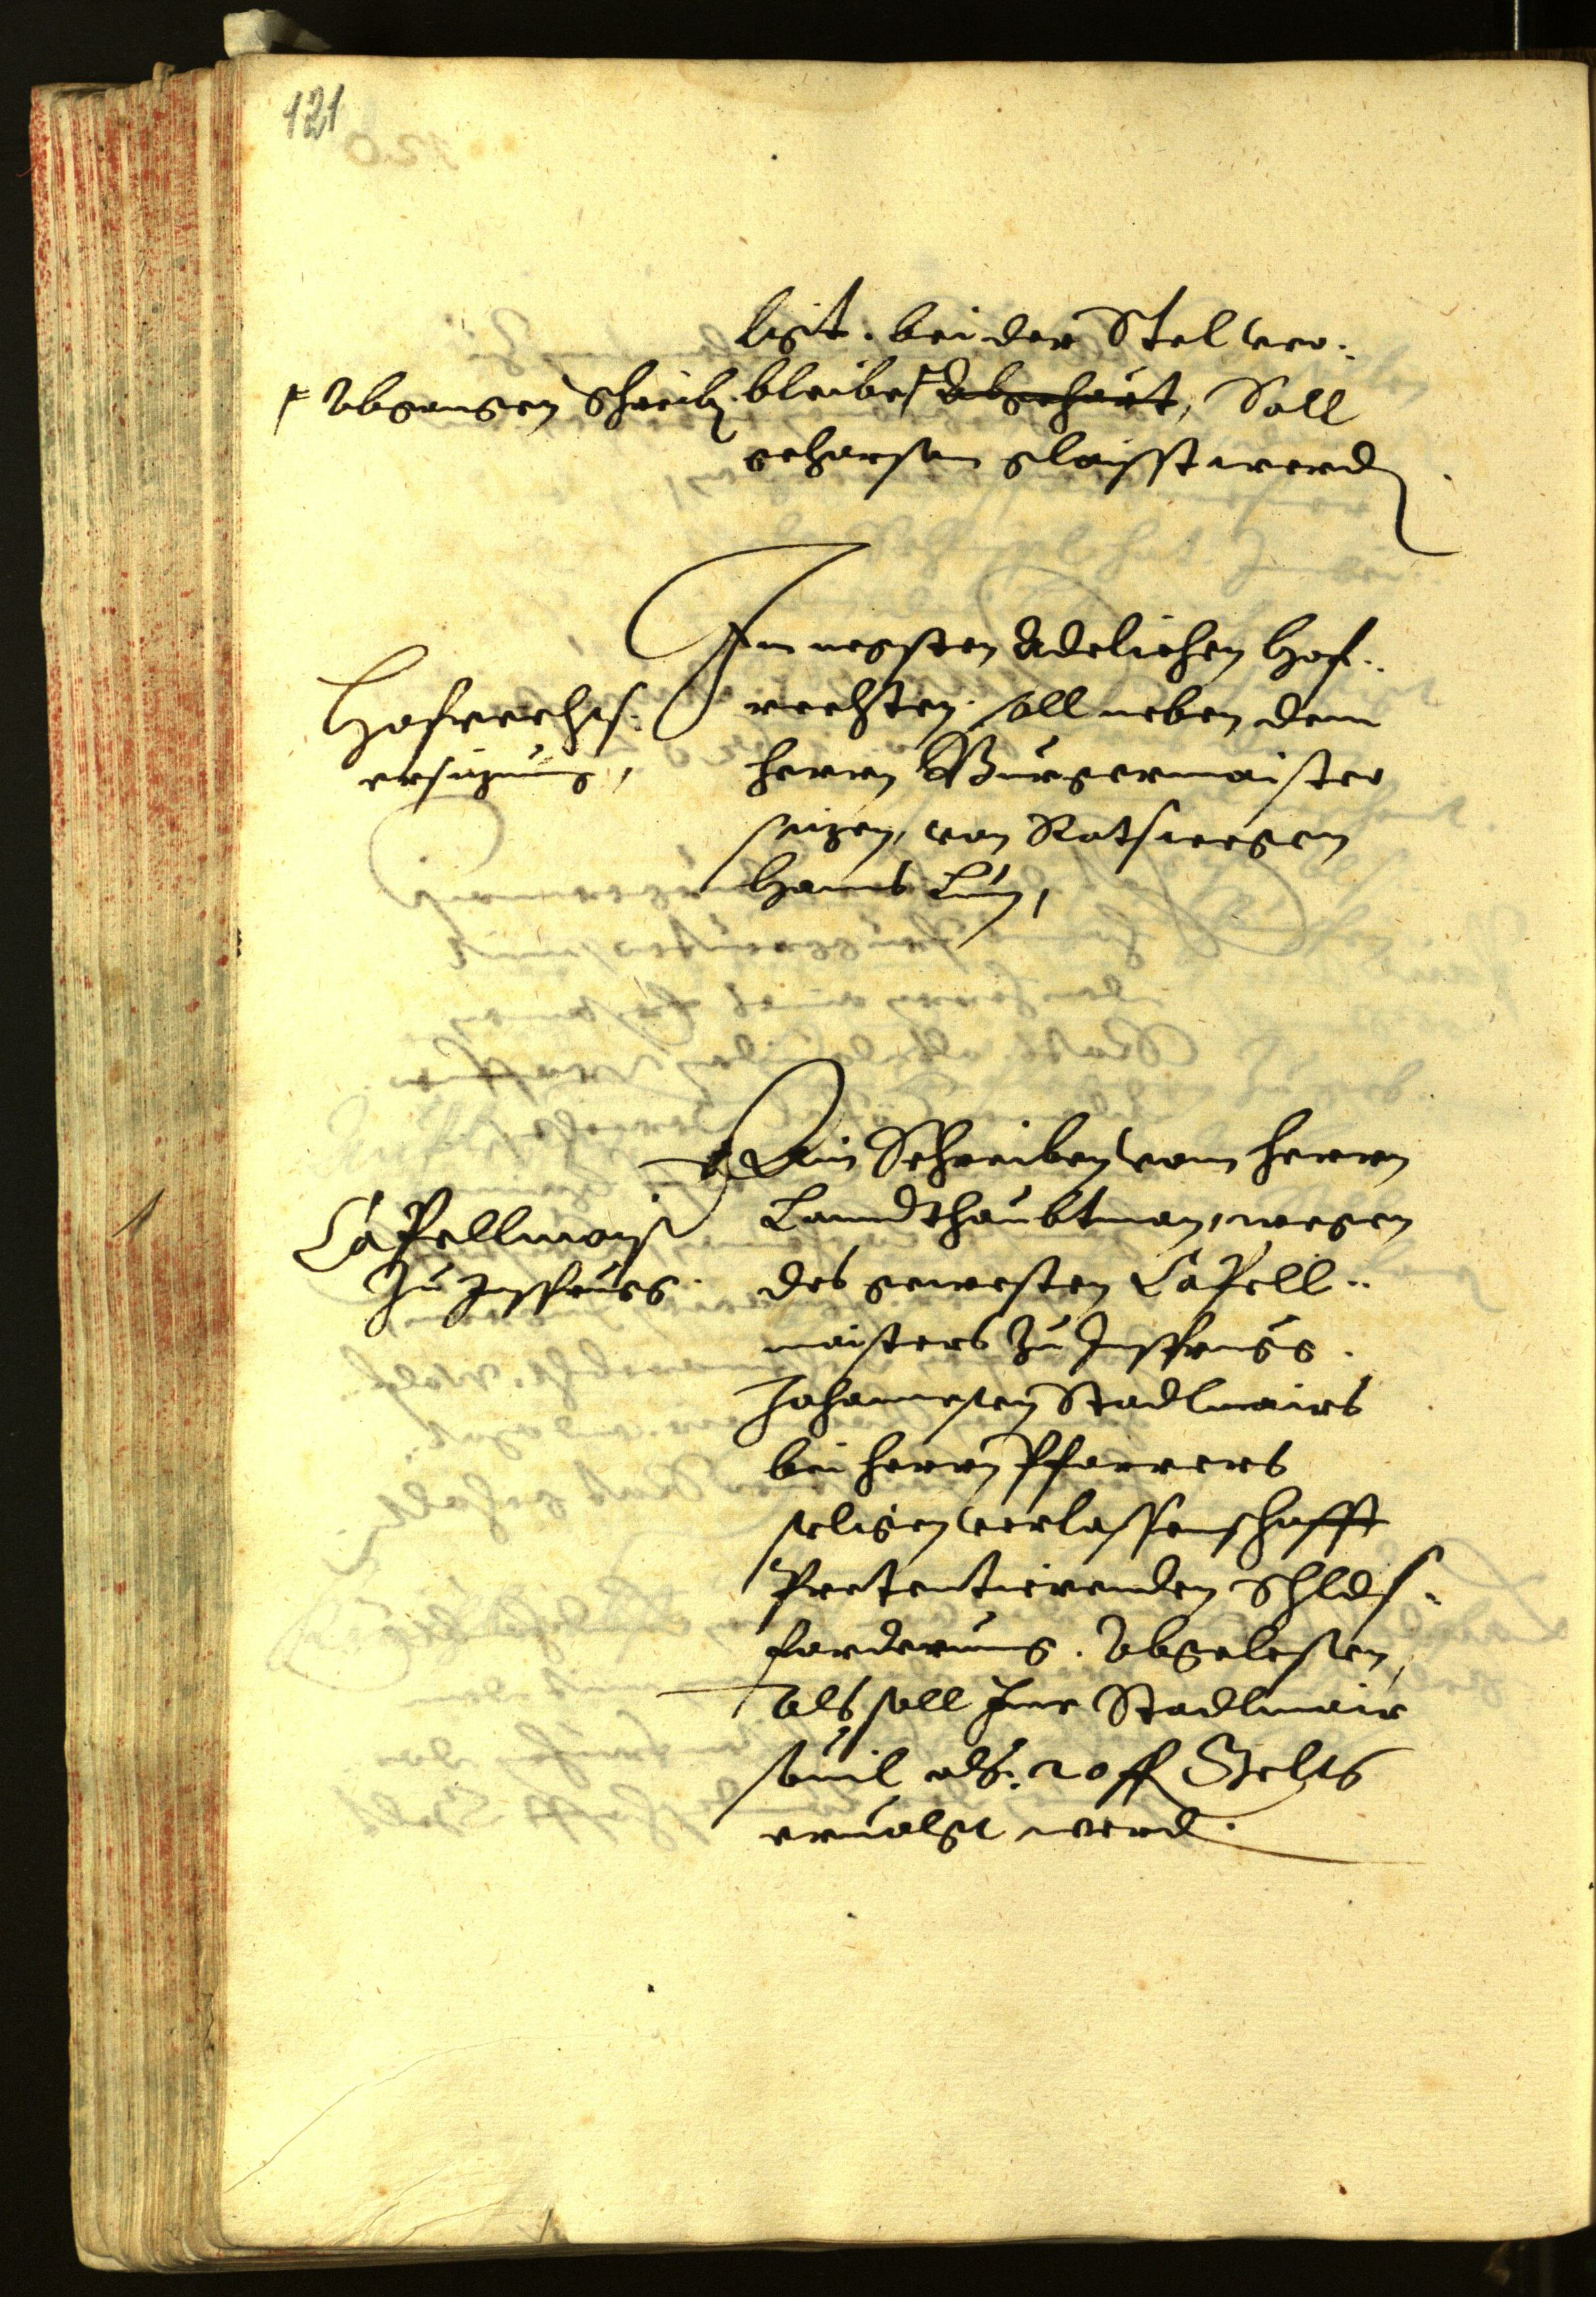121
ligt. bei der Stel ver¬
bleibe Abgehōrt, Soll
gehorsam glaisst werd.
Abgangen Schreib.
Im negsten Adelichen Hof¬
rechten. soll neben dem
herrn Būrgermaister
sizen von Ratswegen
Hanns Lūn,
Hofrechts¬
ersizūng,
Ain Schreiben vom herrn
Lanndthaūbtman, wegen
des gewesten CaPell¬
maisters Zū InsPrūgg.
Johannsen Stadlmairs
bei herrn Pfarrers
seligen verlassenschafft
Pretentierenden Schlds¬
forderūng. Abgelesen,
Als soll Ime Stadlmair
soūil als: 20 fl Gelts
erūolgt werd.
CaPellmaist
Zū InsPrūgg.